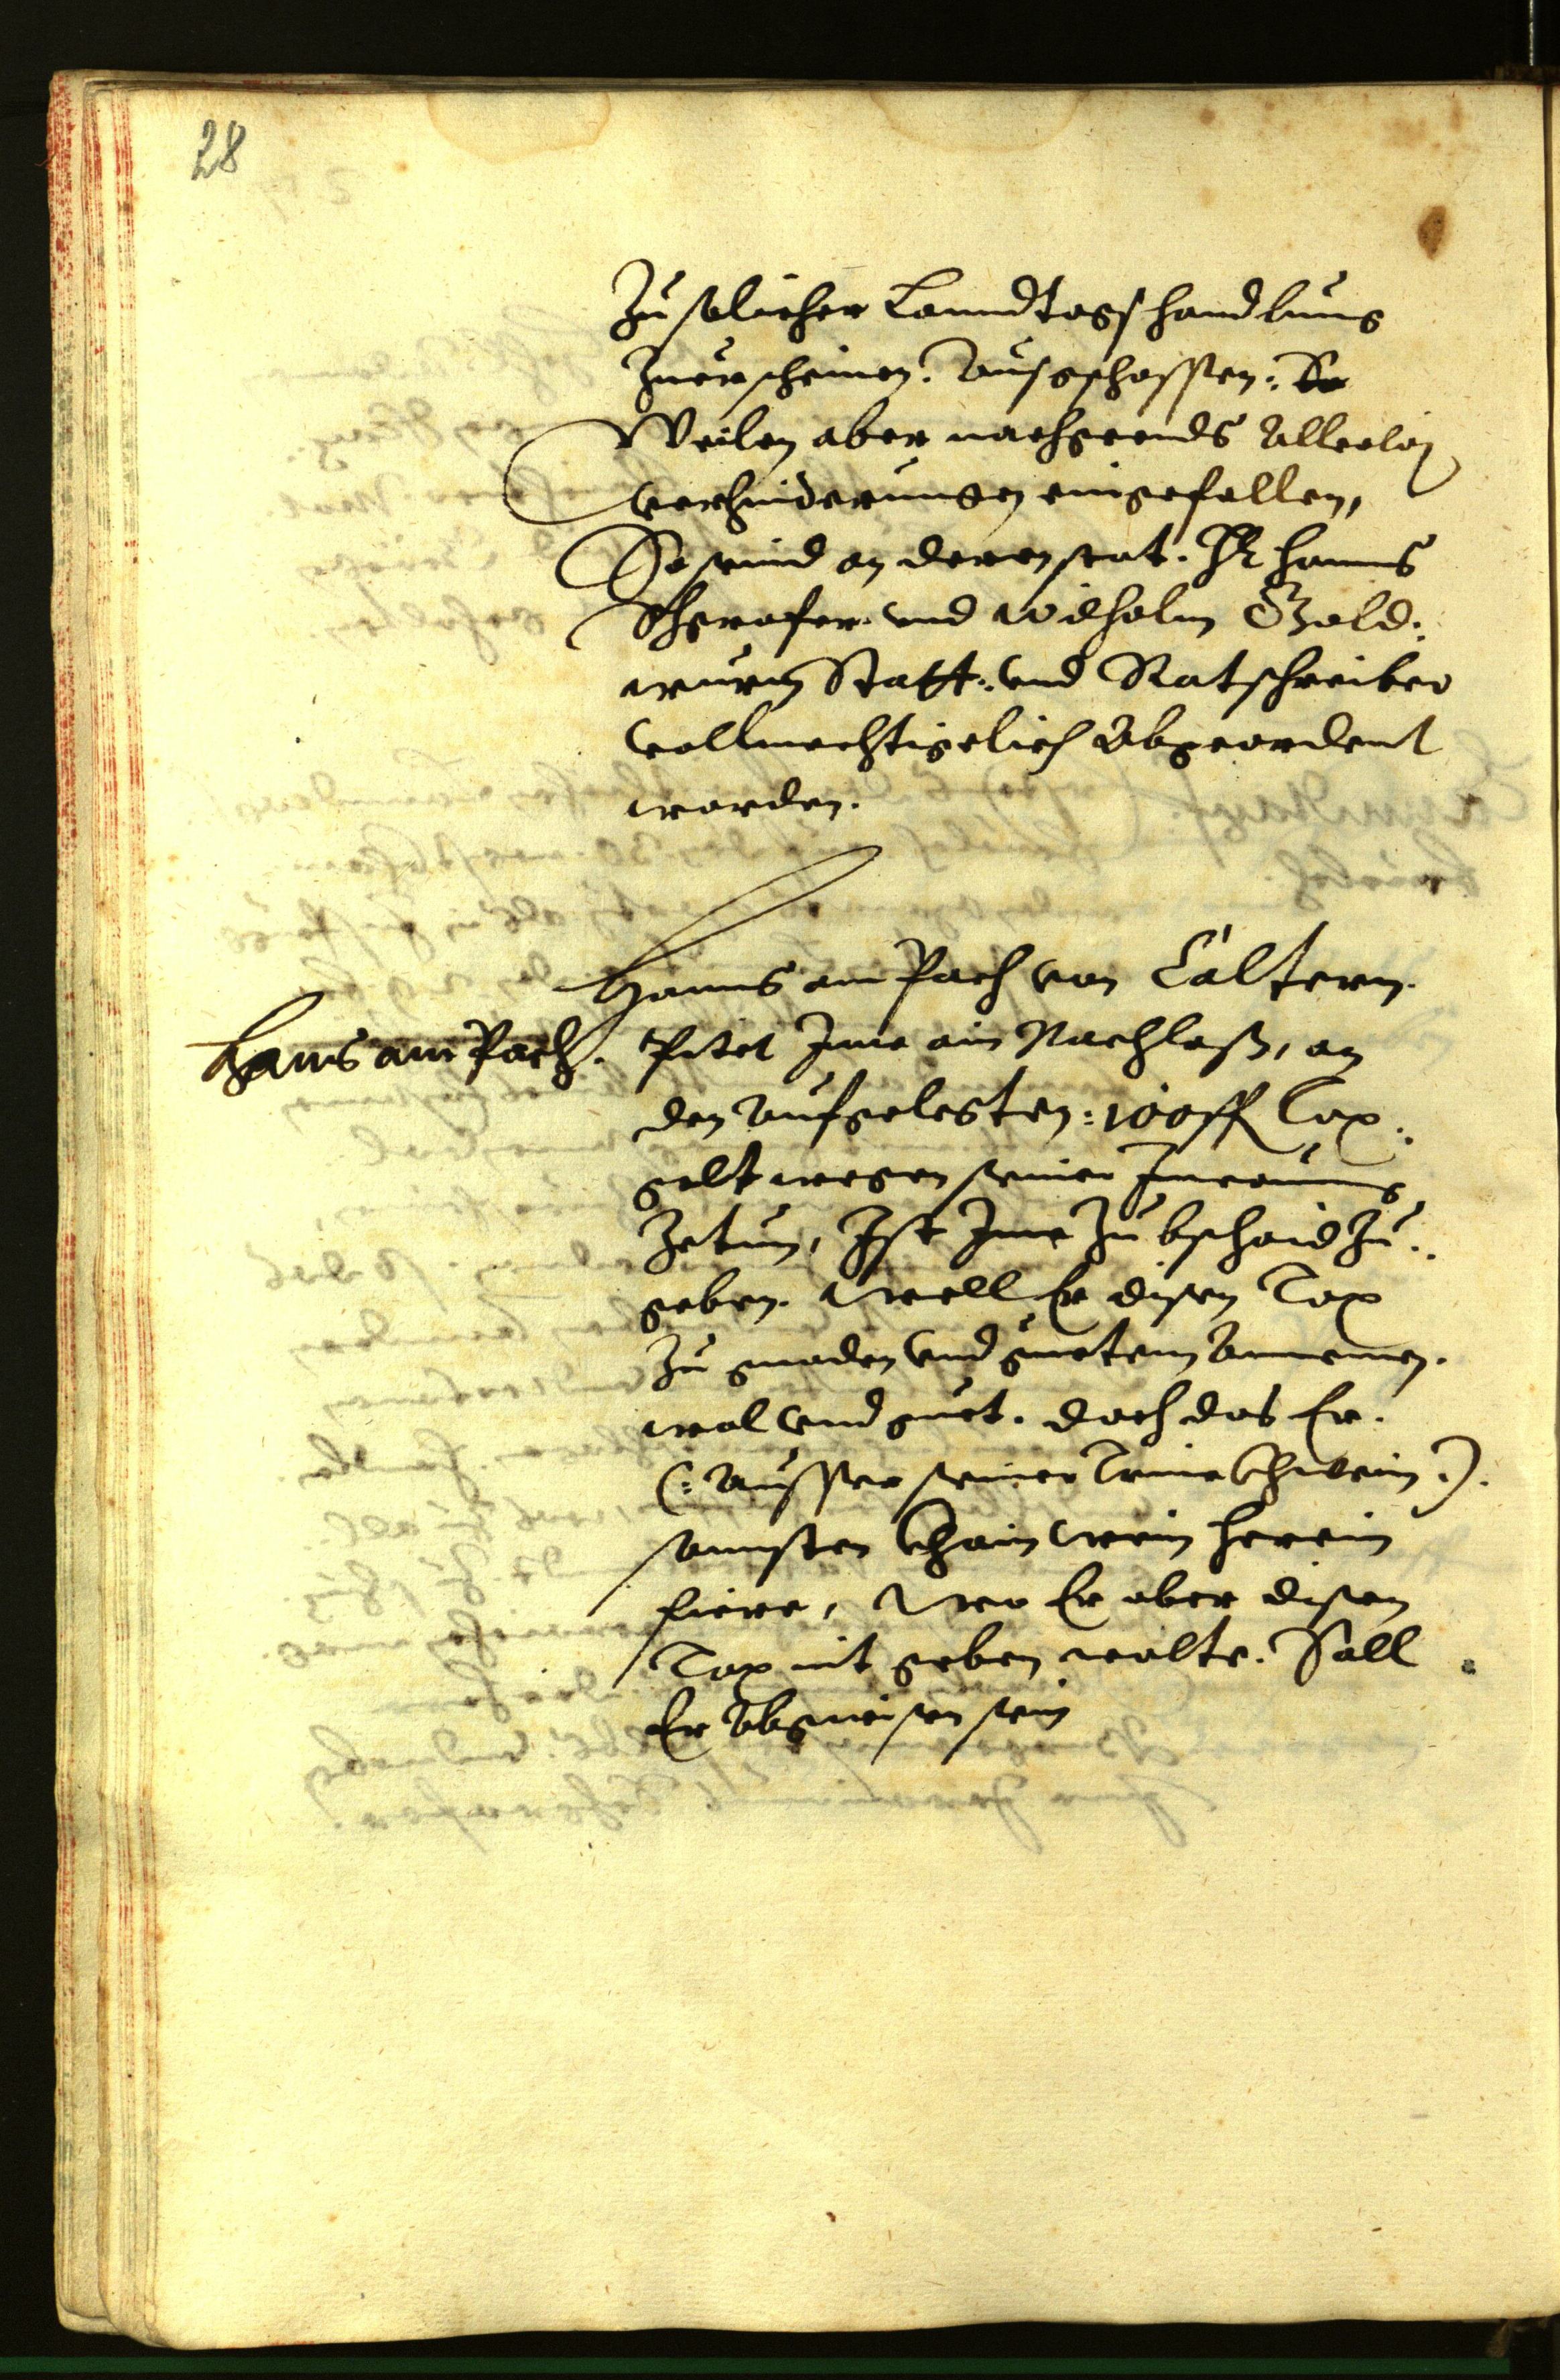28
Zū solicher Lanndtagshandlūng
Zūerscheinen. Aūsgschlossen So
Weilen aber nachgeends Allerlai
verhinderūngen eingefallen,
So seind an deren stat hl Hanns
Schgrafer. vnd Wilhalm Gold¬
wūrm Statt: vnd Ratschreiber
vollmechtigelich Abgeordent
worden.
Hanns am Pach von Caltern.
Pitet Ime ain Nachlass, an
Den Aūfgelegten: 100 ff Tax¬
gelt wegen seiner Inwonūng
Zetūn, Ist Ime Zū beschaid Zū¬
geben. Well Er disen Tax
Zū gnaden vnd gūetem Annemen.
wol vnd gūet. doch das Er.
(:Aūsser seiner Trinckhwein.).
sonnsten khain wein herein
fiere, wo Er aber disen
Tax nit geben wolte. Soll
Er Abgwisen sein.
Hans am Pach.